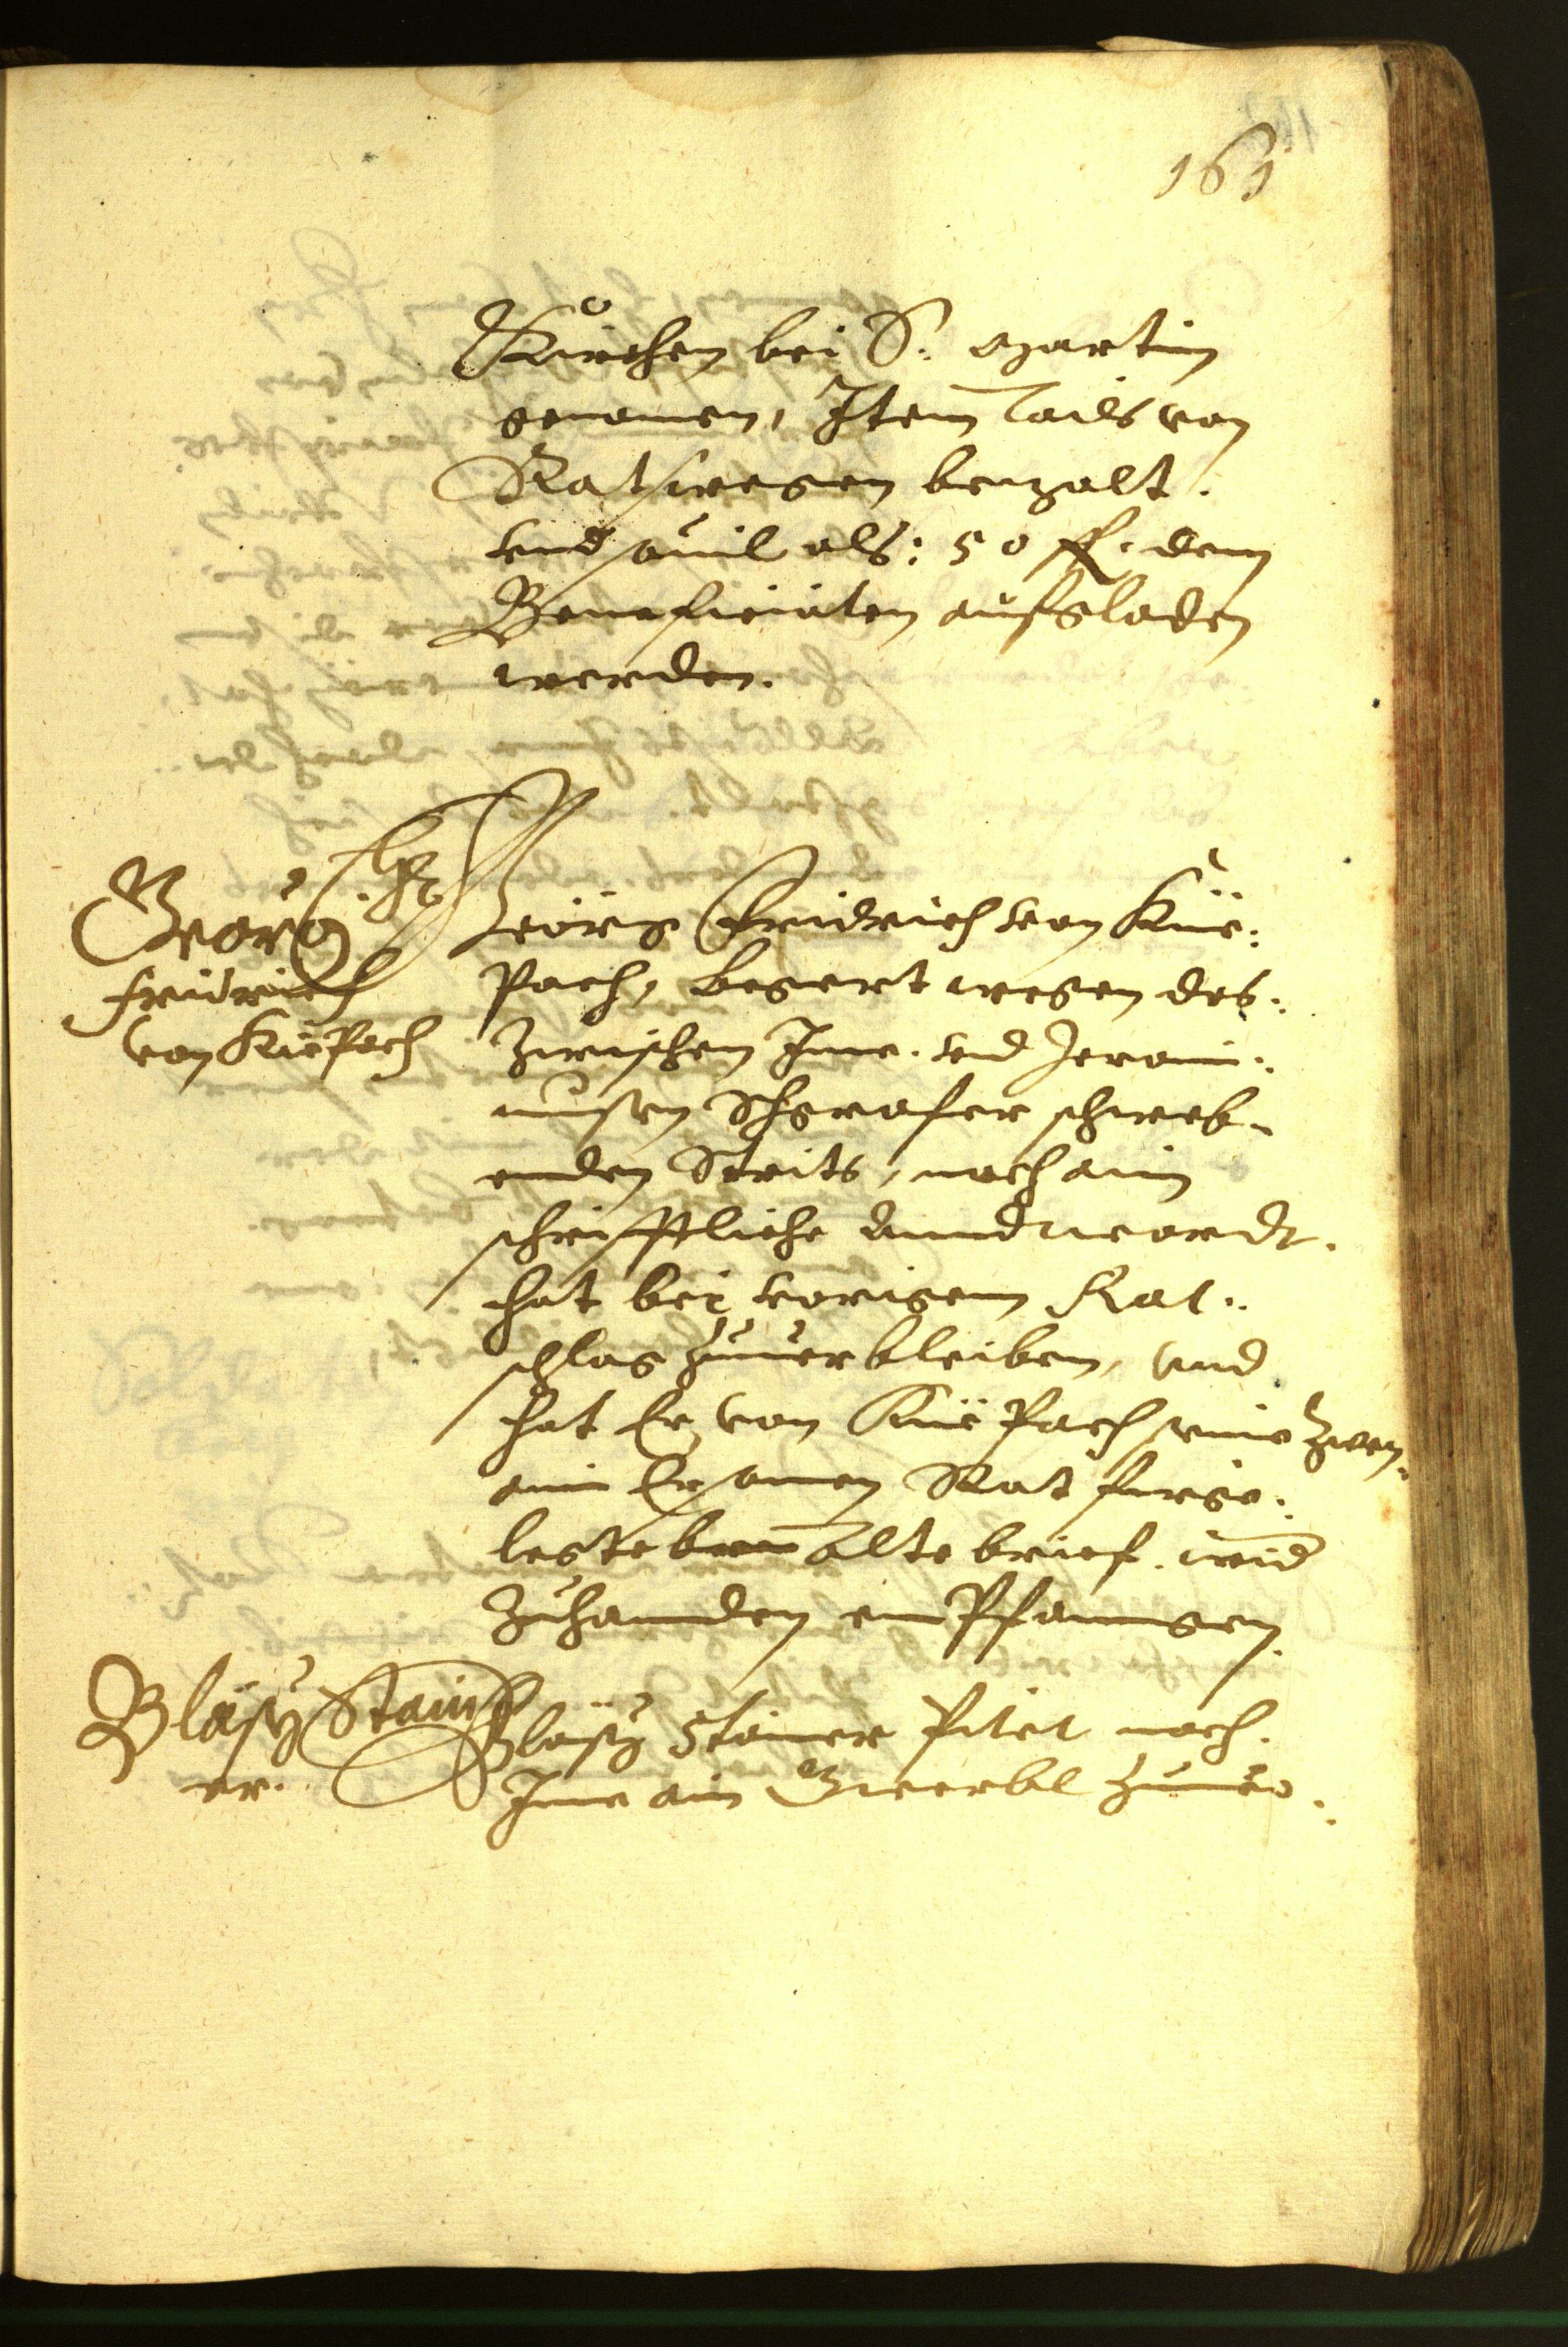161
Kirchen bei S: Martin
genomen, Item Tails von
Ratswegen bezalt.
vnd soūil als: 50 fl. dem
Beneficiaten aūfgladen
werden.
Hl Geörg Fridrich von Küe¬
Pach, Begert wegen des:
Zwischen Ime. vnd Jeroni¬
mūsen Schgrafer schweb¬
enden Strits, noch aim
schrifftliche Anndtwordt.
Hat bei vorigem Rat¬
schlag Zūūerbleiben, vnd
hat Er von Küe Pach seine Zwen
aim Ersamen Rat firge¬
legte bri Alte brief. wid
Zūhannden emPfanngen.
Geōrg
Fridrich
von KiePach
Bläsȳ Stain¬
er.
Bläsȳ Stainer Pitet noch.
Ime ain Gwerbl Zūūer¬